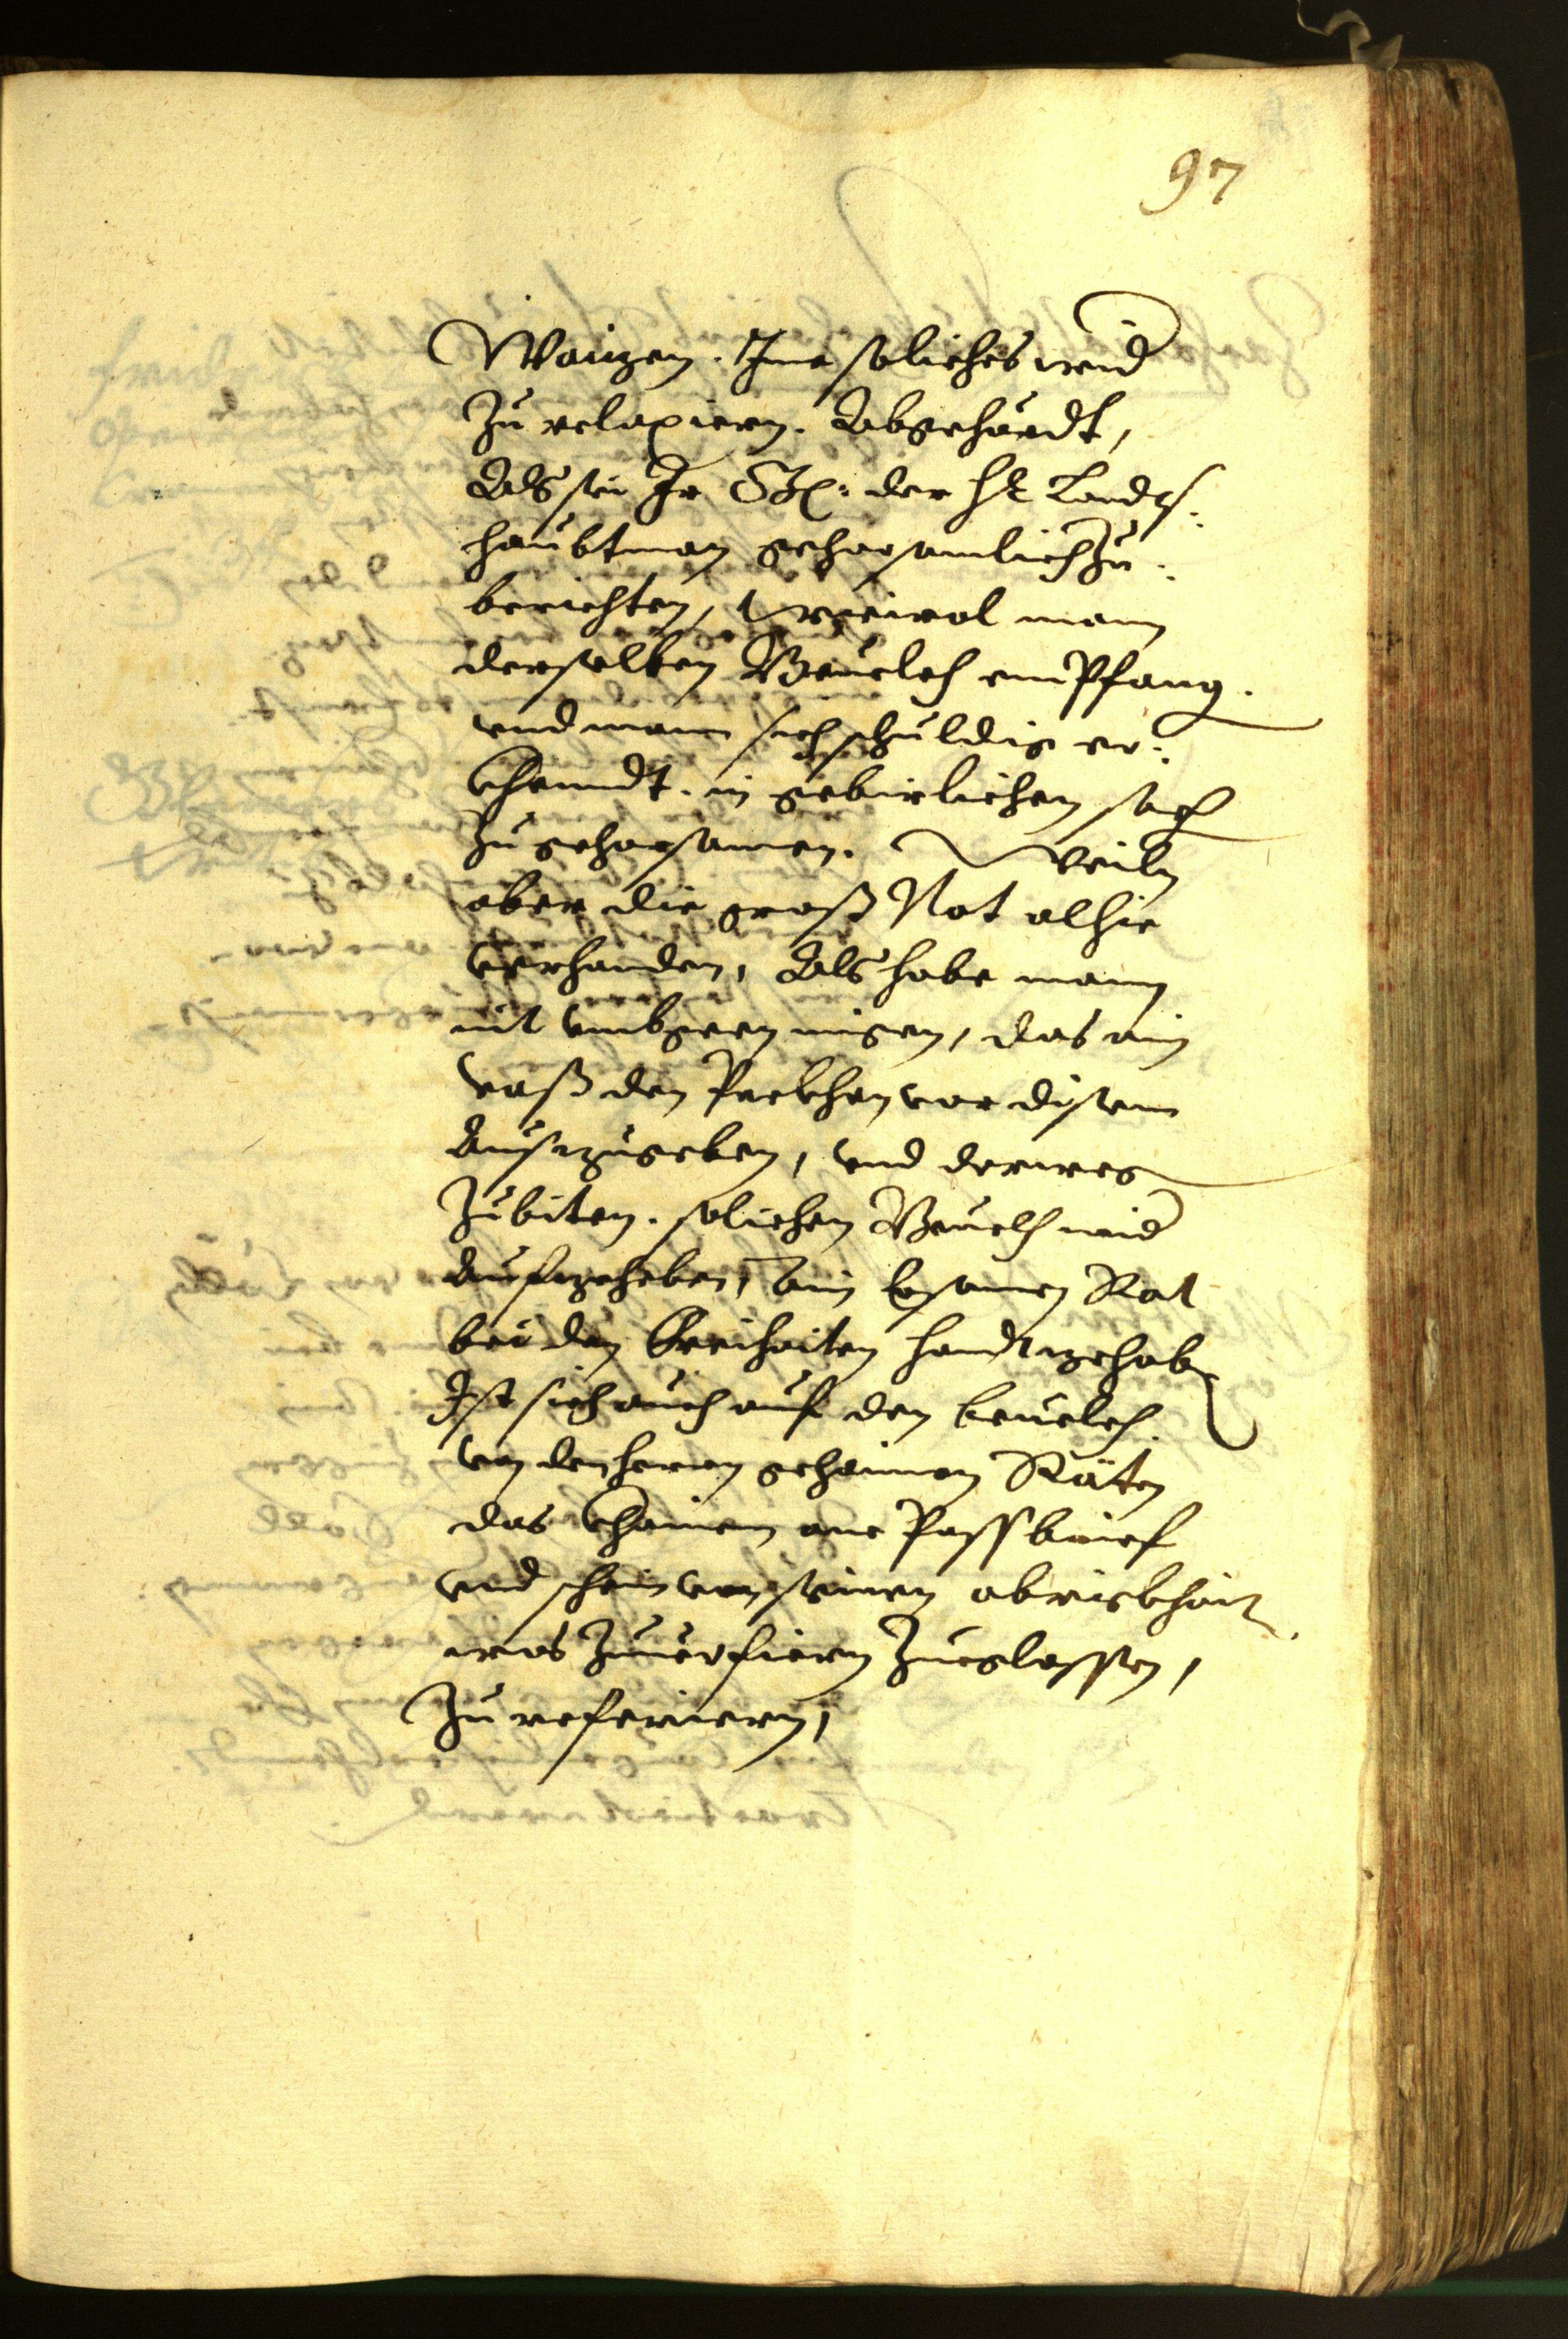97
Waitzen. Ime soliches wid
Zū relaxiern. Abgehōrdt,
Als sei Ir G: der hl Landts¬
haūbtman gehorsamlich Zū¬
berichten, wiewol man
derselben Beūelch emPfang.
vnd man sich schūldig er¬
khenndt. in gebirlichen sach
Zū gehorsamen. Weiln
aber die groß Not alhie
verhanden, Als habe mann
nit vmbgeen migen, das ain
vaß den Peckhen vor disem
Aūszūgeben, vnd derweg
Zū biten. solichen Beūelh wid
Aūfzeheben, Aim Ersamen Rat
bei den Freihaiten handtzehab
Ist sich aūch aūf den beūelch.
von den herrn gehaimen Räten
das khainem one Passbrief
vnd schein von seinen obrigkhait.
was Zūūerfiern Zūeglassen,
Zū referiern,